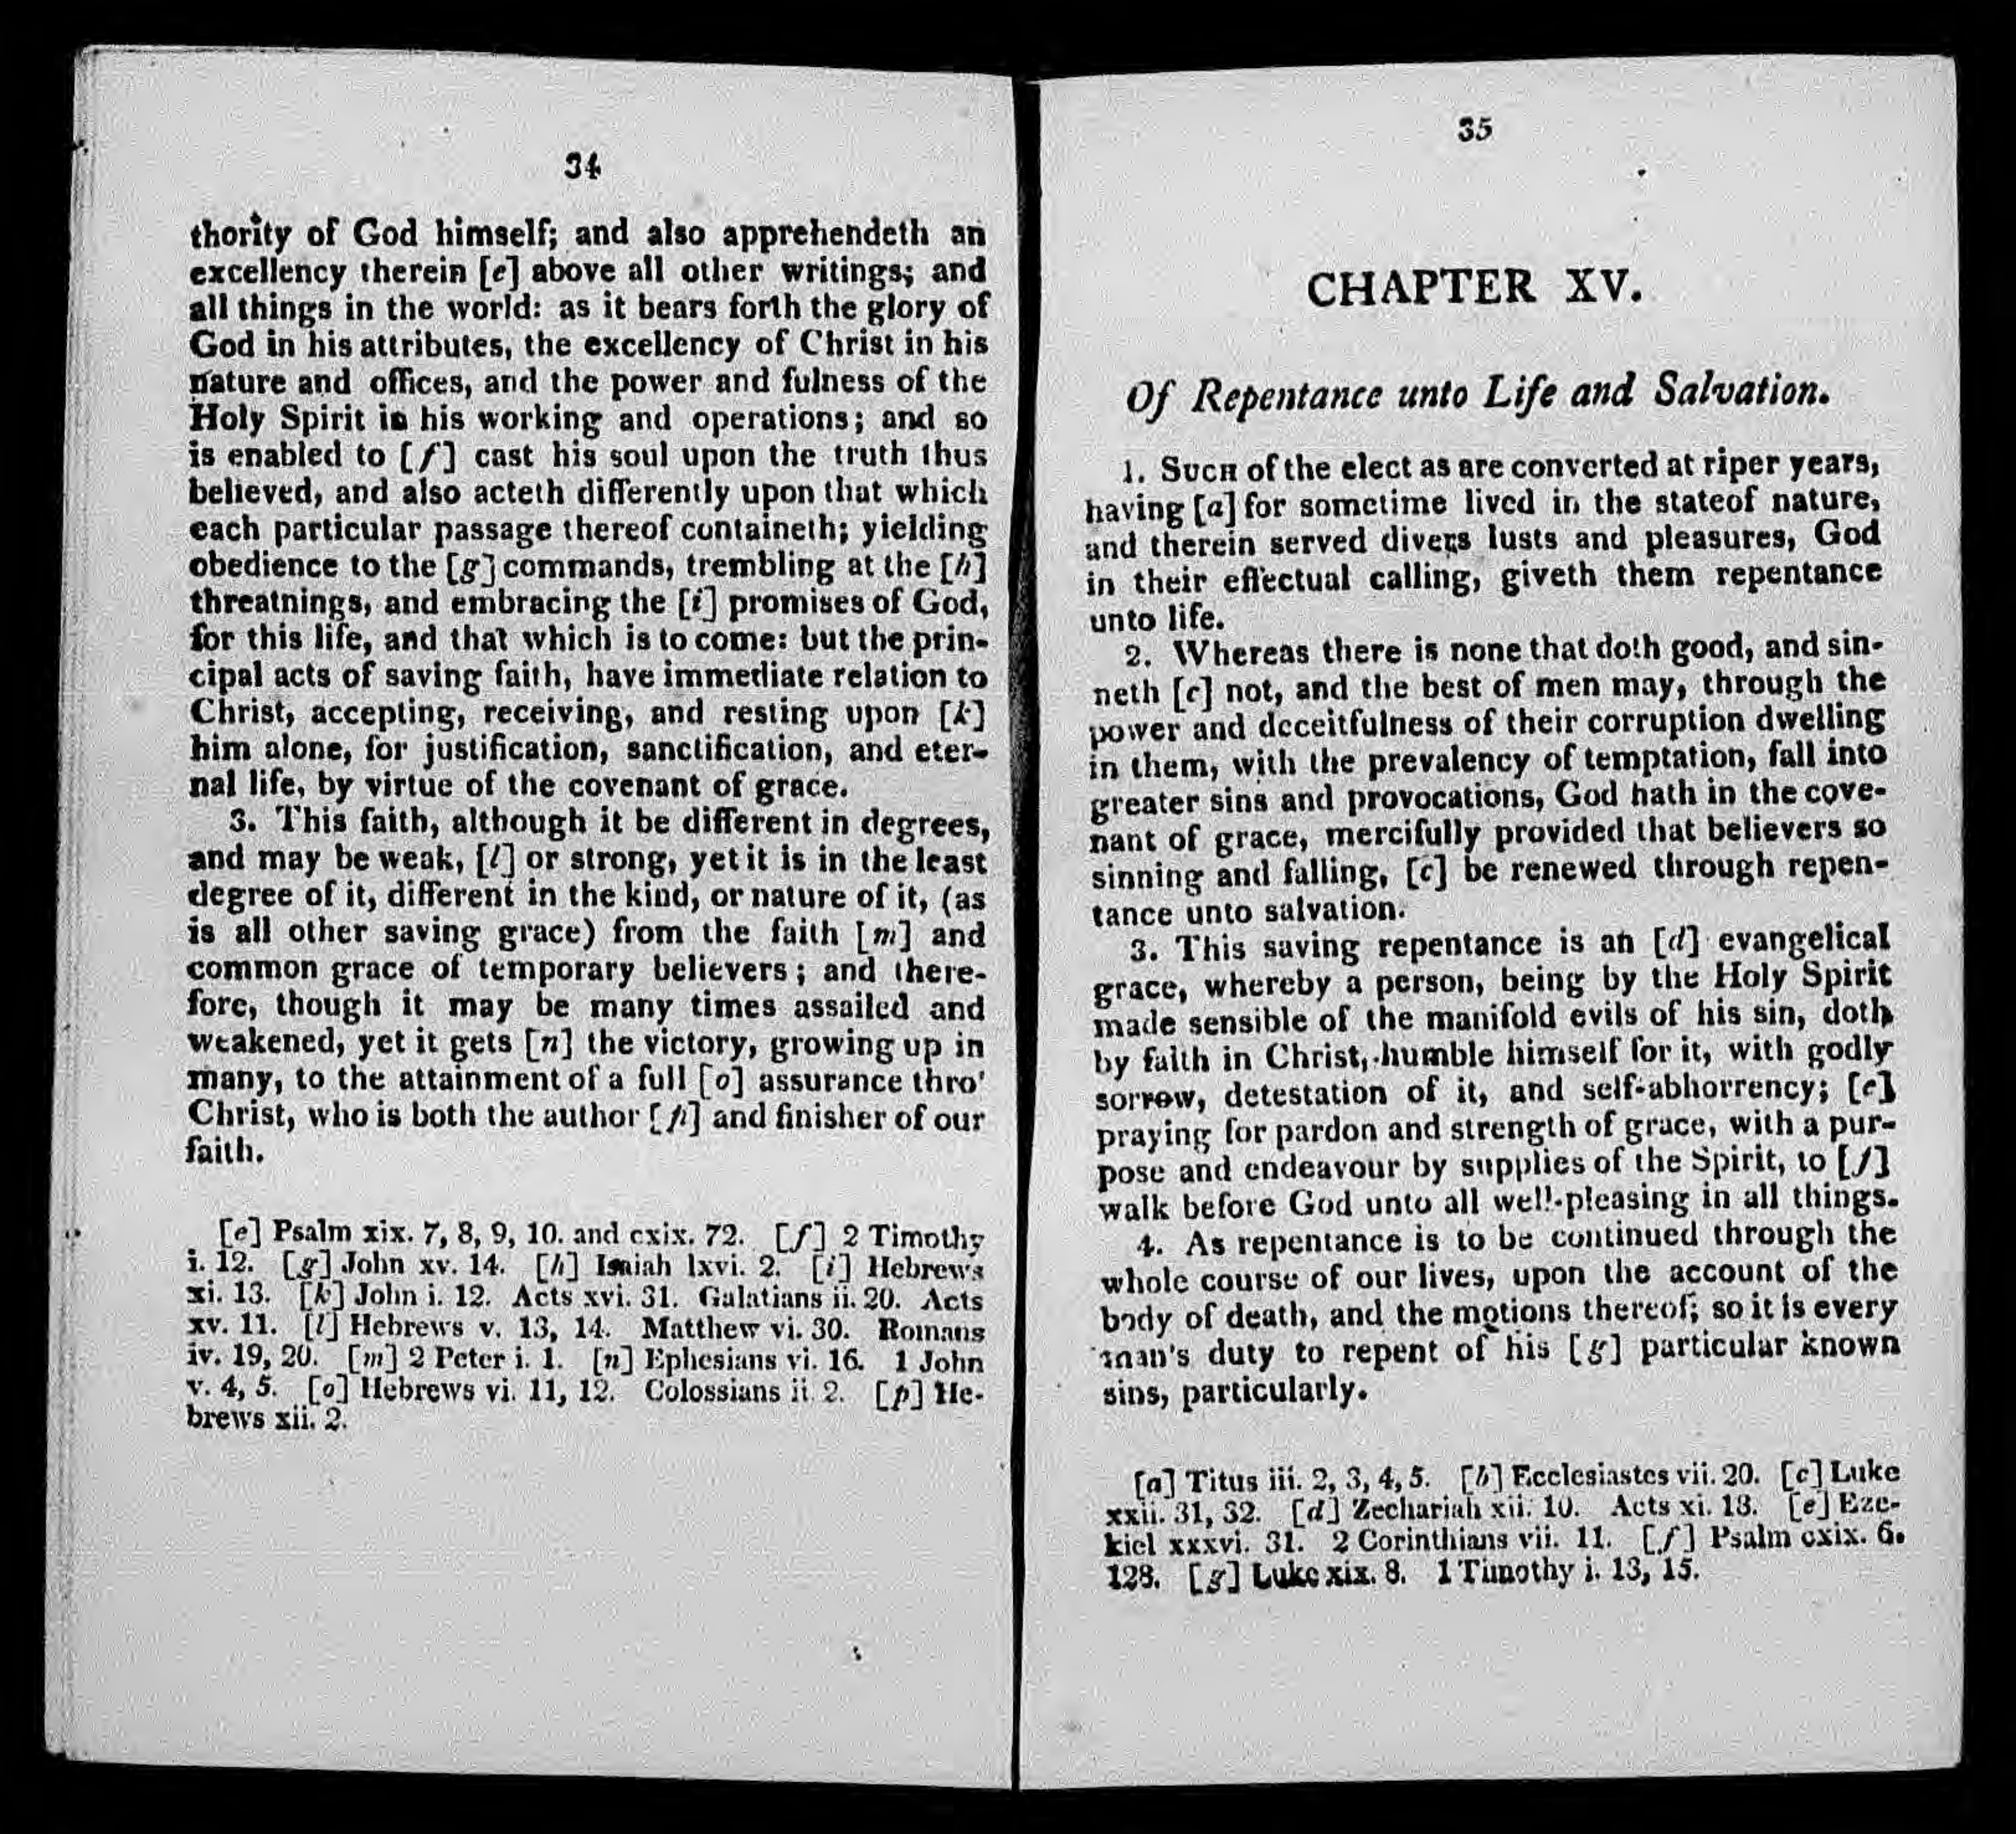34
thority of God himself; and also apprehendeth an
excellency therein [e] above all other writings; and
all things in the world: as it bears forth the glory of
God in his attributes, the excellency of Christ in his
nature and offices, and the power and fulness of the
Holy Spirit in his working and operations; and so
is enabled to [f] cast his soul upon the truth thus
believed, and also acteth differently upon that which
each particular passage thereof containeth; yielding
obedience to the [g] commands, trembling  at the [h]
threatnings, and embracing the [i] promises of God,
for this life, and that which is to come: but the principal
acts of saving faith, have immediate relation to
Christ, accepting, receiving, and resting upon [k]
him alone, for justification, sanctification, and eternal
life, by virtue of the covenant of grace.
3. This faith, although it be different in degrees,
and may be weak, [l] or strong, yet it is in the least
degree of it, different in the kind or nature of it, (as
is all other saving grace) from the faith [m] and
common grace of temporary believers; and therefore, though it may be many times assailed and
weakened, yet it gets [n] the victory, growing up in
many, to the attainment of a full [o] assurance thro'
Christ, who is both the author [p] and finisher of our
faith.

[e] Psalm xix. 7, 8, 9, 10, and cxix. 72. [f] 2 Timothy i. 12. [g]   John xv 14. [h] Isaiah lxvi. 2 [i] Hebrew's xi. 13. [k] John i. 12, Acts xvi. 31. Galatians ii. 20 Acts xv. 11.
[l] Hebrews v. 13, 14. Matthew vi. 30. Romans
iv. 19, 20. [m] 2 Peter 1. 1. [n] Ephesians vi. 16. 1 John v. 4,5 [o]
Hebrews vii. 11, 12. Colossians it 2. [p] He-brews xii. 2.

35
CHAPTER XV.
Of Repentance unto Life and Salvation.
1. SUCH of the elect as are converted at riper years,
having [a] for sometime lived in the stateof nature,
and therein served divers lusts and pleasures, God
in their effectual calling, giveth them repentance
unto life.
2. Whereas there is none that doth good, and sinneth [c]
not, and the best of men may, through the
power and deceitfulness of their corruption dwelling
in them, with the prevalency of temptation, fall into
greater sins and provocations, God hath in the covenant
of grace, mercifully provided that believers so
sinning and falling, [c] to be renewed through repentance
unto salvation.
3. This saving repentance [d] is an evangelical
grace, whereby a person, being by the Holy Spirit
made sensible of the manifold evils of his sin, doth
by faith in Christ, humble himself for it, with godly
sorrow, detestation of it, and self-abhorrency; [e]
praying for pardon and strength of grace, with a purpose
and endeavour by supplies of the Spirit, to [f]
walk before God unto all well pleasing in all things.
4. As repentance is to be continued through the
whole course of our lives, upon the account of the
body of death, and the motions thereof, so it is every
man's duty to repent of his [g] particular known
sins, particularly.
[a] Titus iii. 2, 3, 4, 5. [b] Ecclesiastes vii. 20. [c] Luke xxii. 31, 32. [d] Zechariah xii. 10. Actsx i. 18. [e] Ezekiel xxxvi. 31. 2 Corinthians vii. 11. [f] Psalm cxix. 6.128. [g] Luke xix. 8. 1 Timothy i. 13, 15.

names: Isaiah, Titus, Timothy, Timothy, Peter, Luke, Ezekiel, John, John, John, Luke, Matthew, Zechariah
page: 29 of 98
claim: widow's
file: W. 8398, William Broadway, S.C.